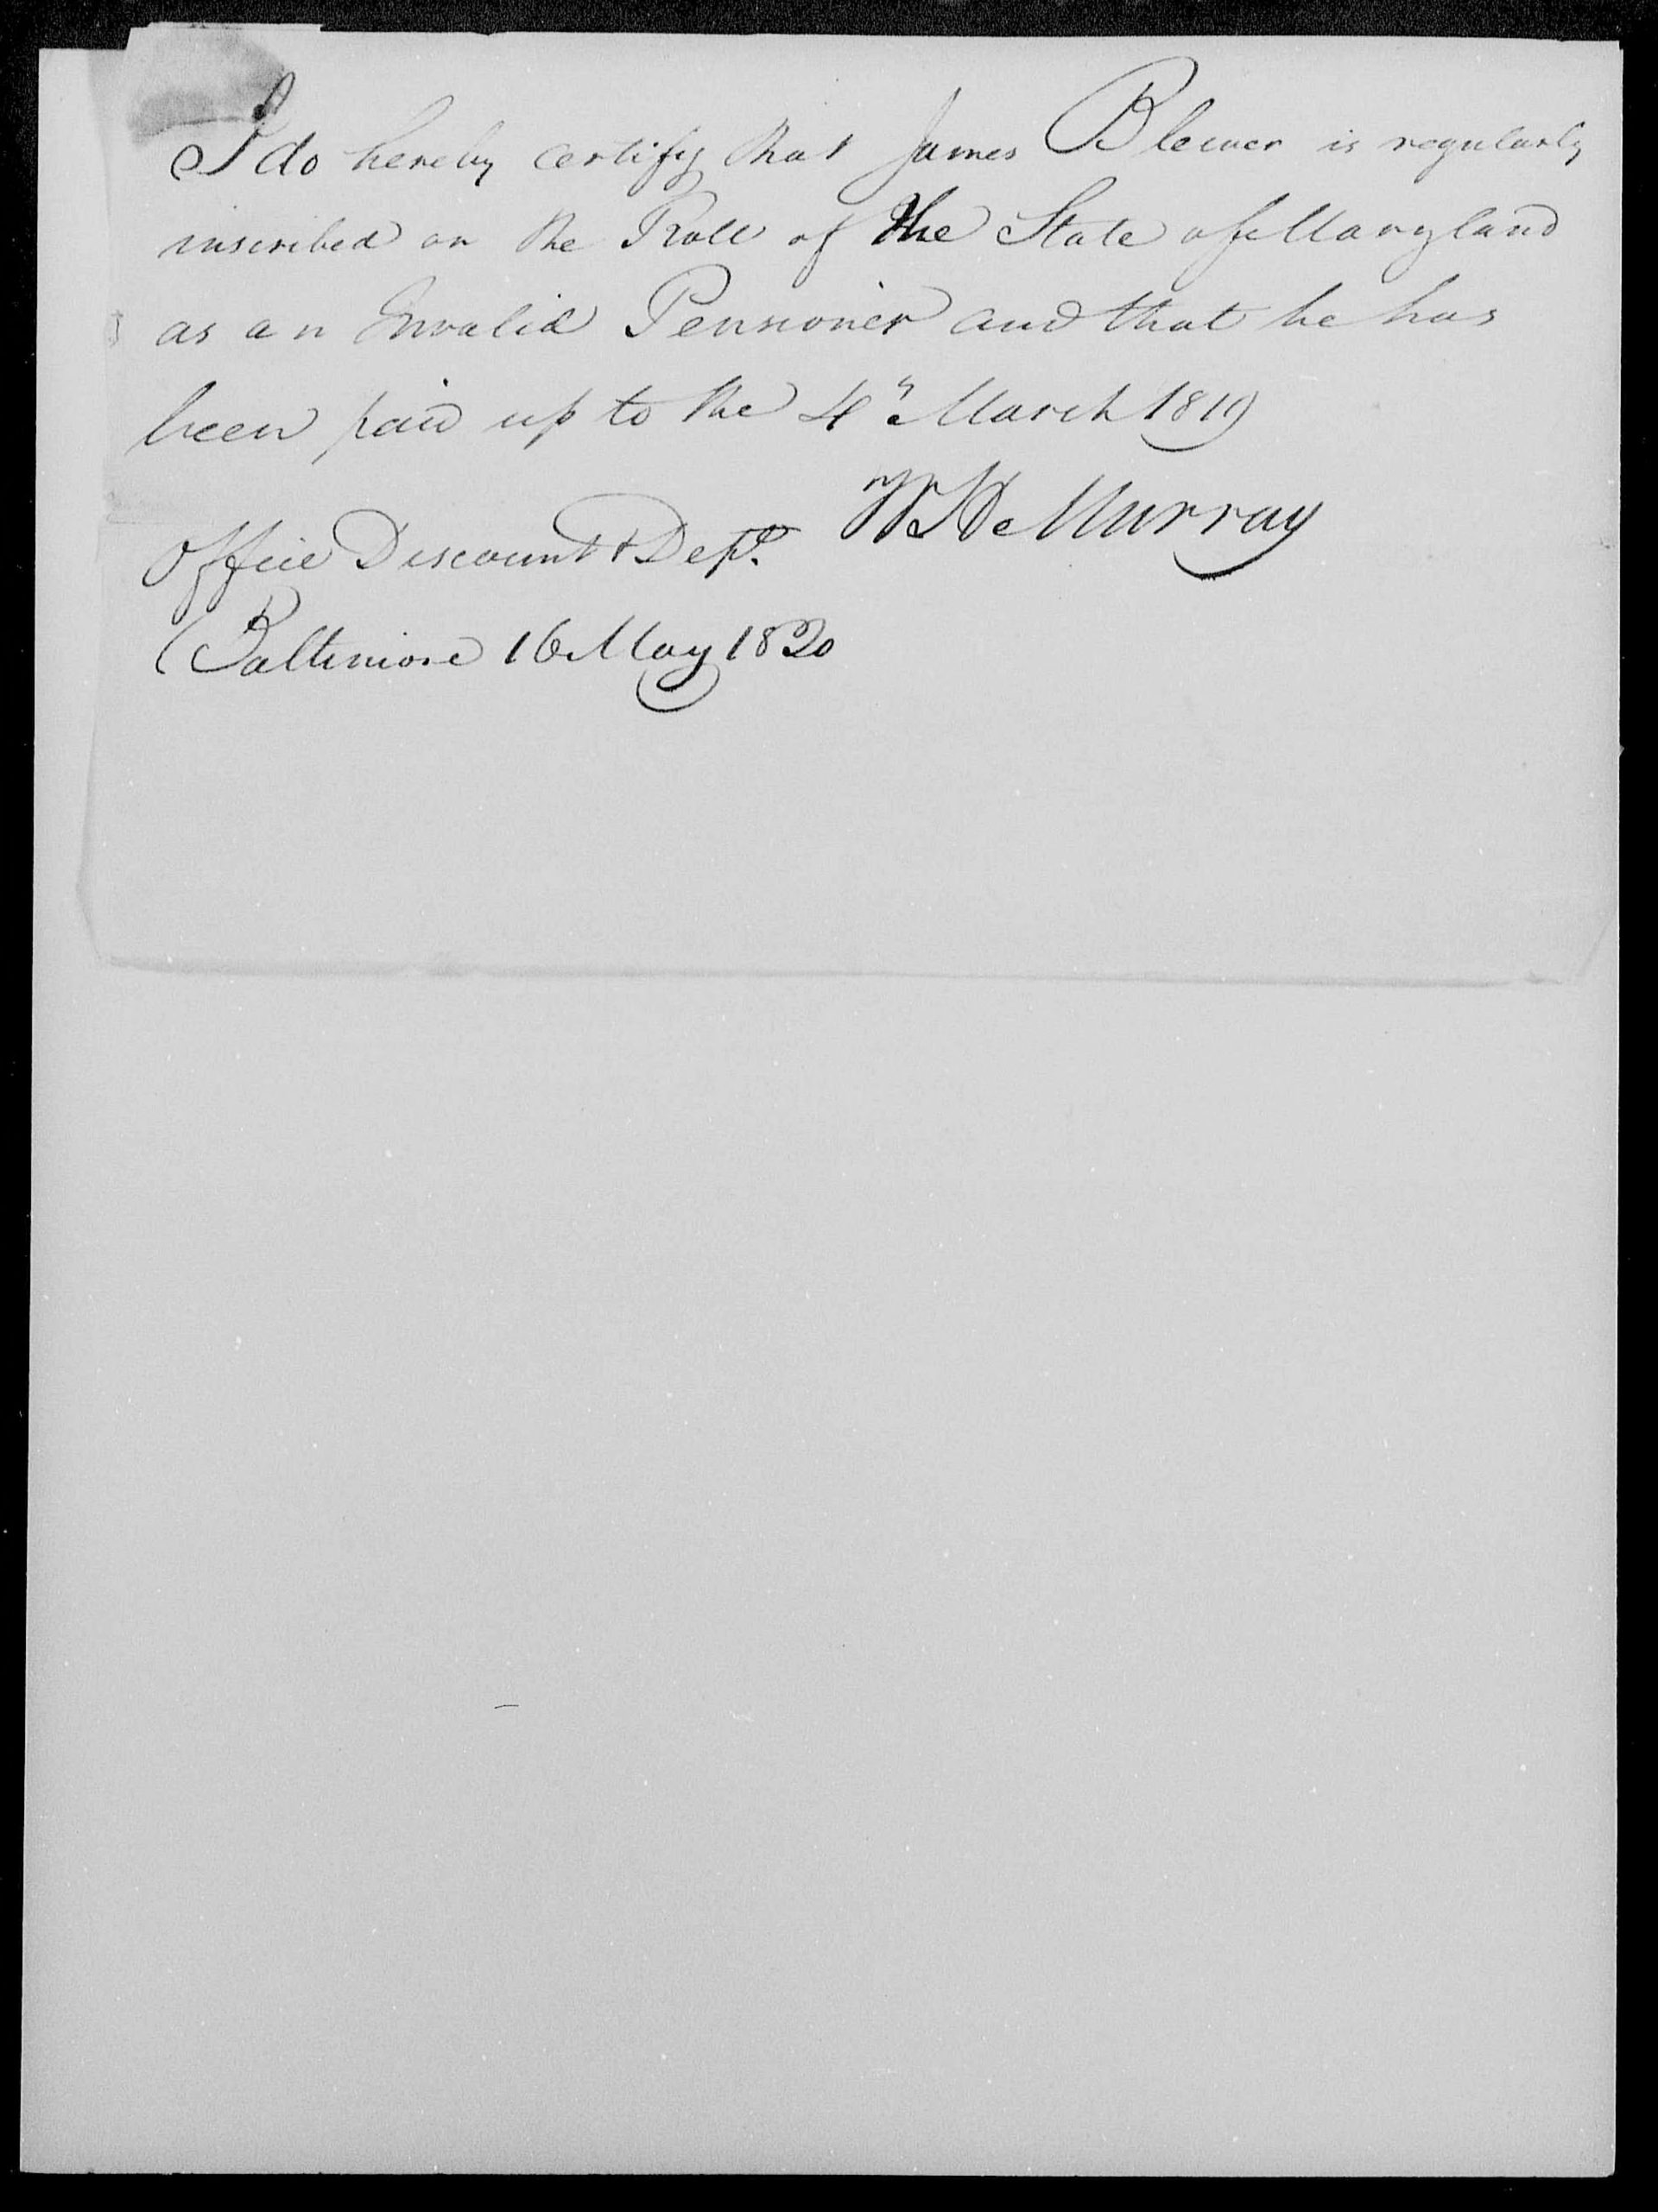I do hereby certify that James Blewer is regularly inscribed on the roll of the state of Maryland as an invalid pensioner and that he has been paid up to the 4th March 1819.

W H Murray

Office Discount & Dept
Baltimore, 16 May 1820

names: W H Murray, James Blewer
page: 2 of 30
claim: survivor's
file: S. 10093, James Blewer, Md.